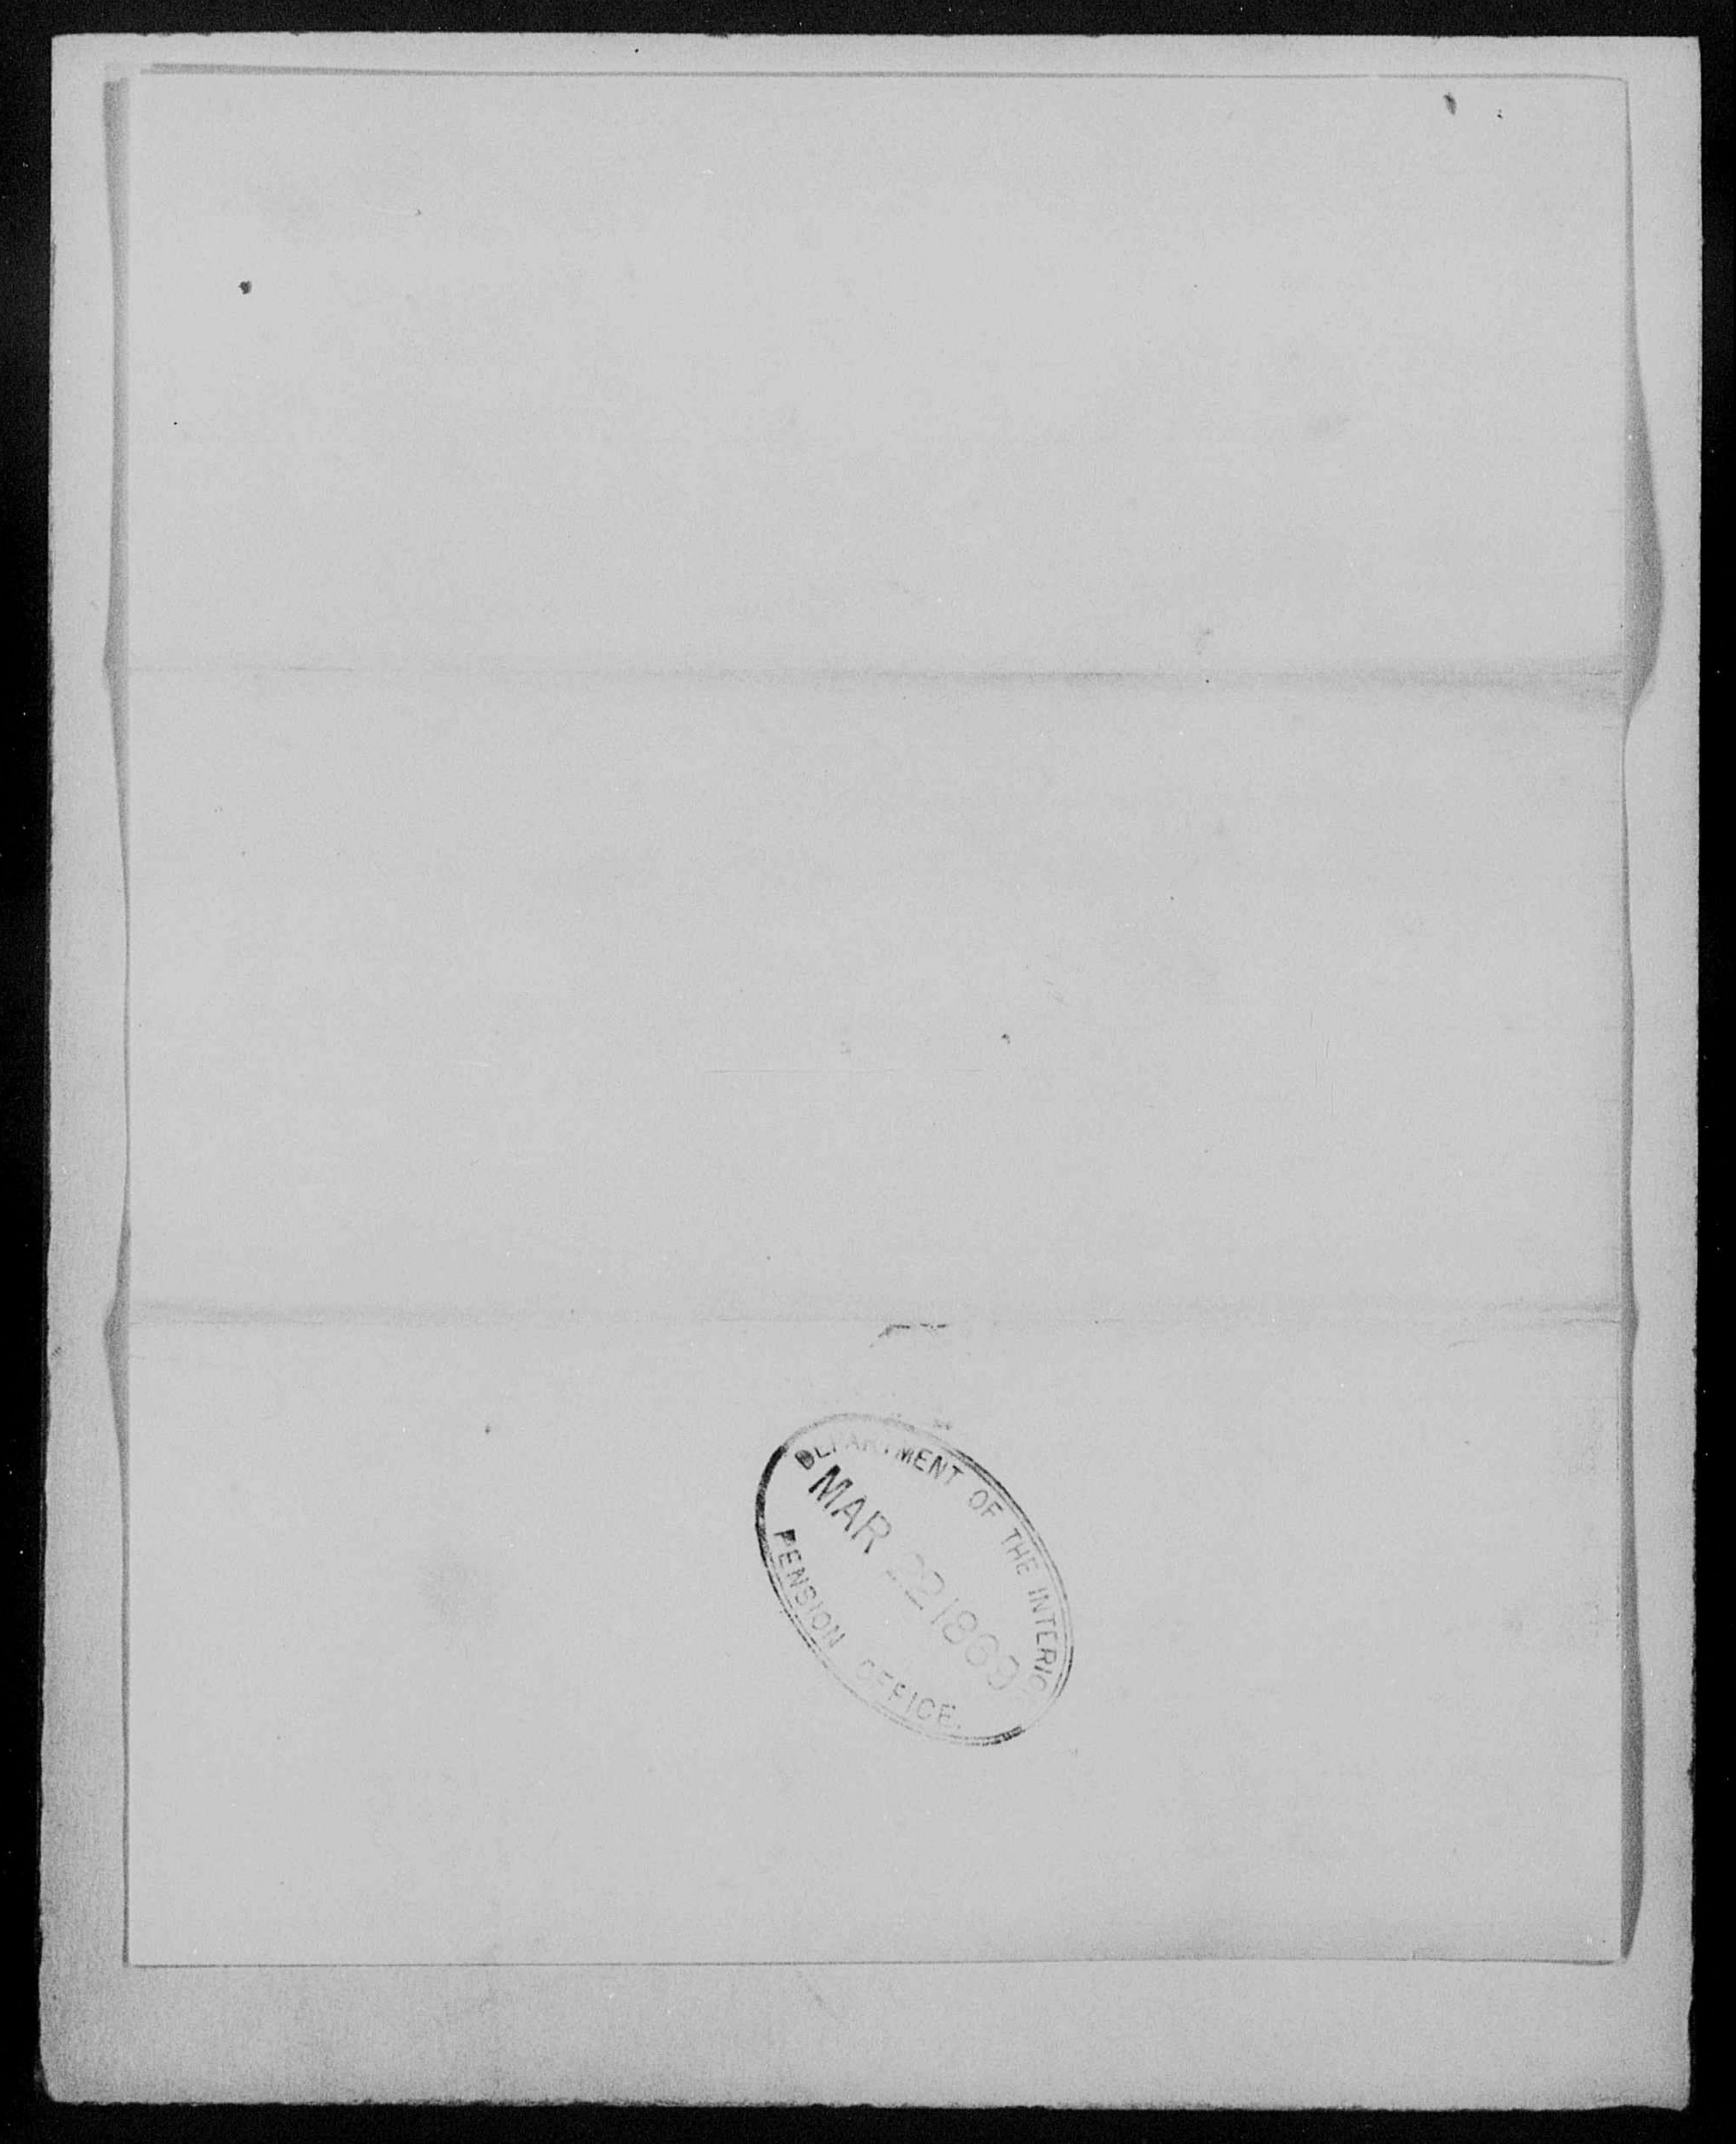Stamp
DEPARTMENT OF THE INTERIOR

MAR 22 1869

PENSION OFFICE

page: 55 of 86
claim: widow's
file: W. 1035, John Hubbs, S.C.